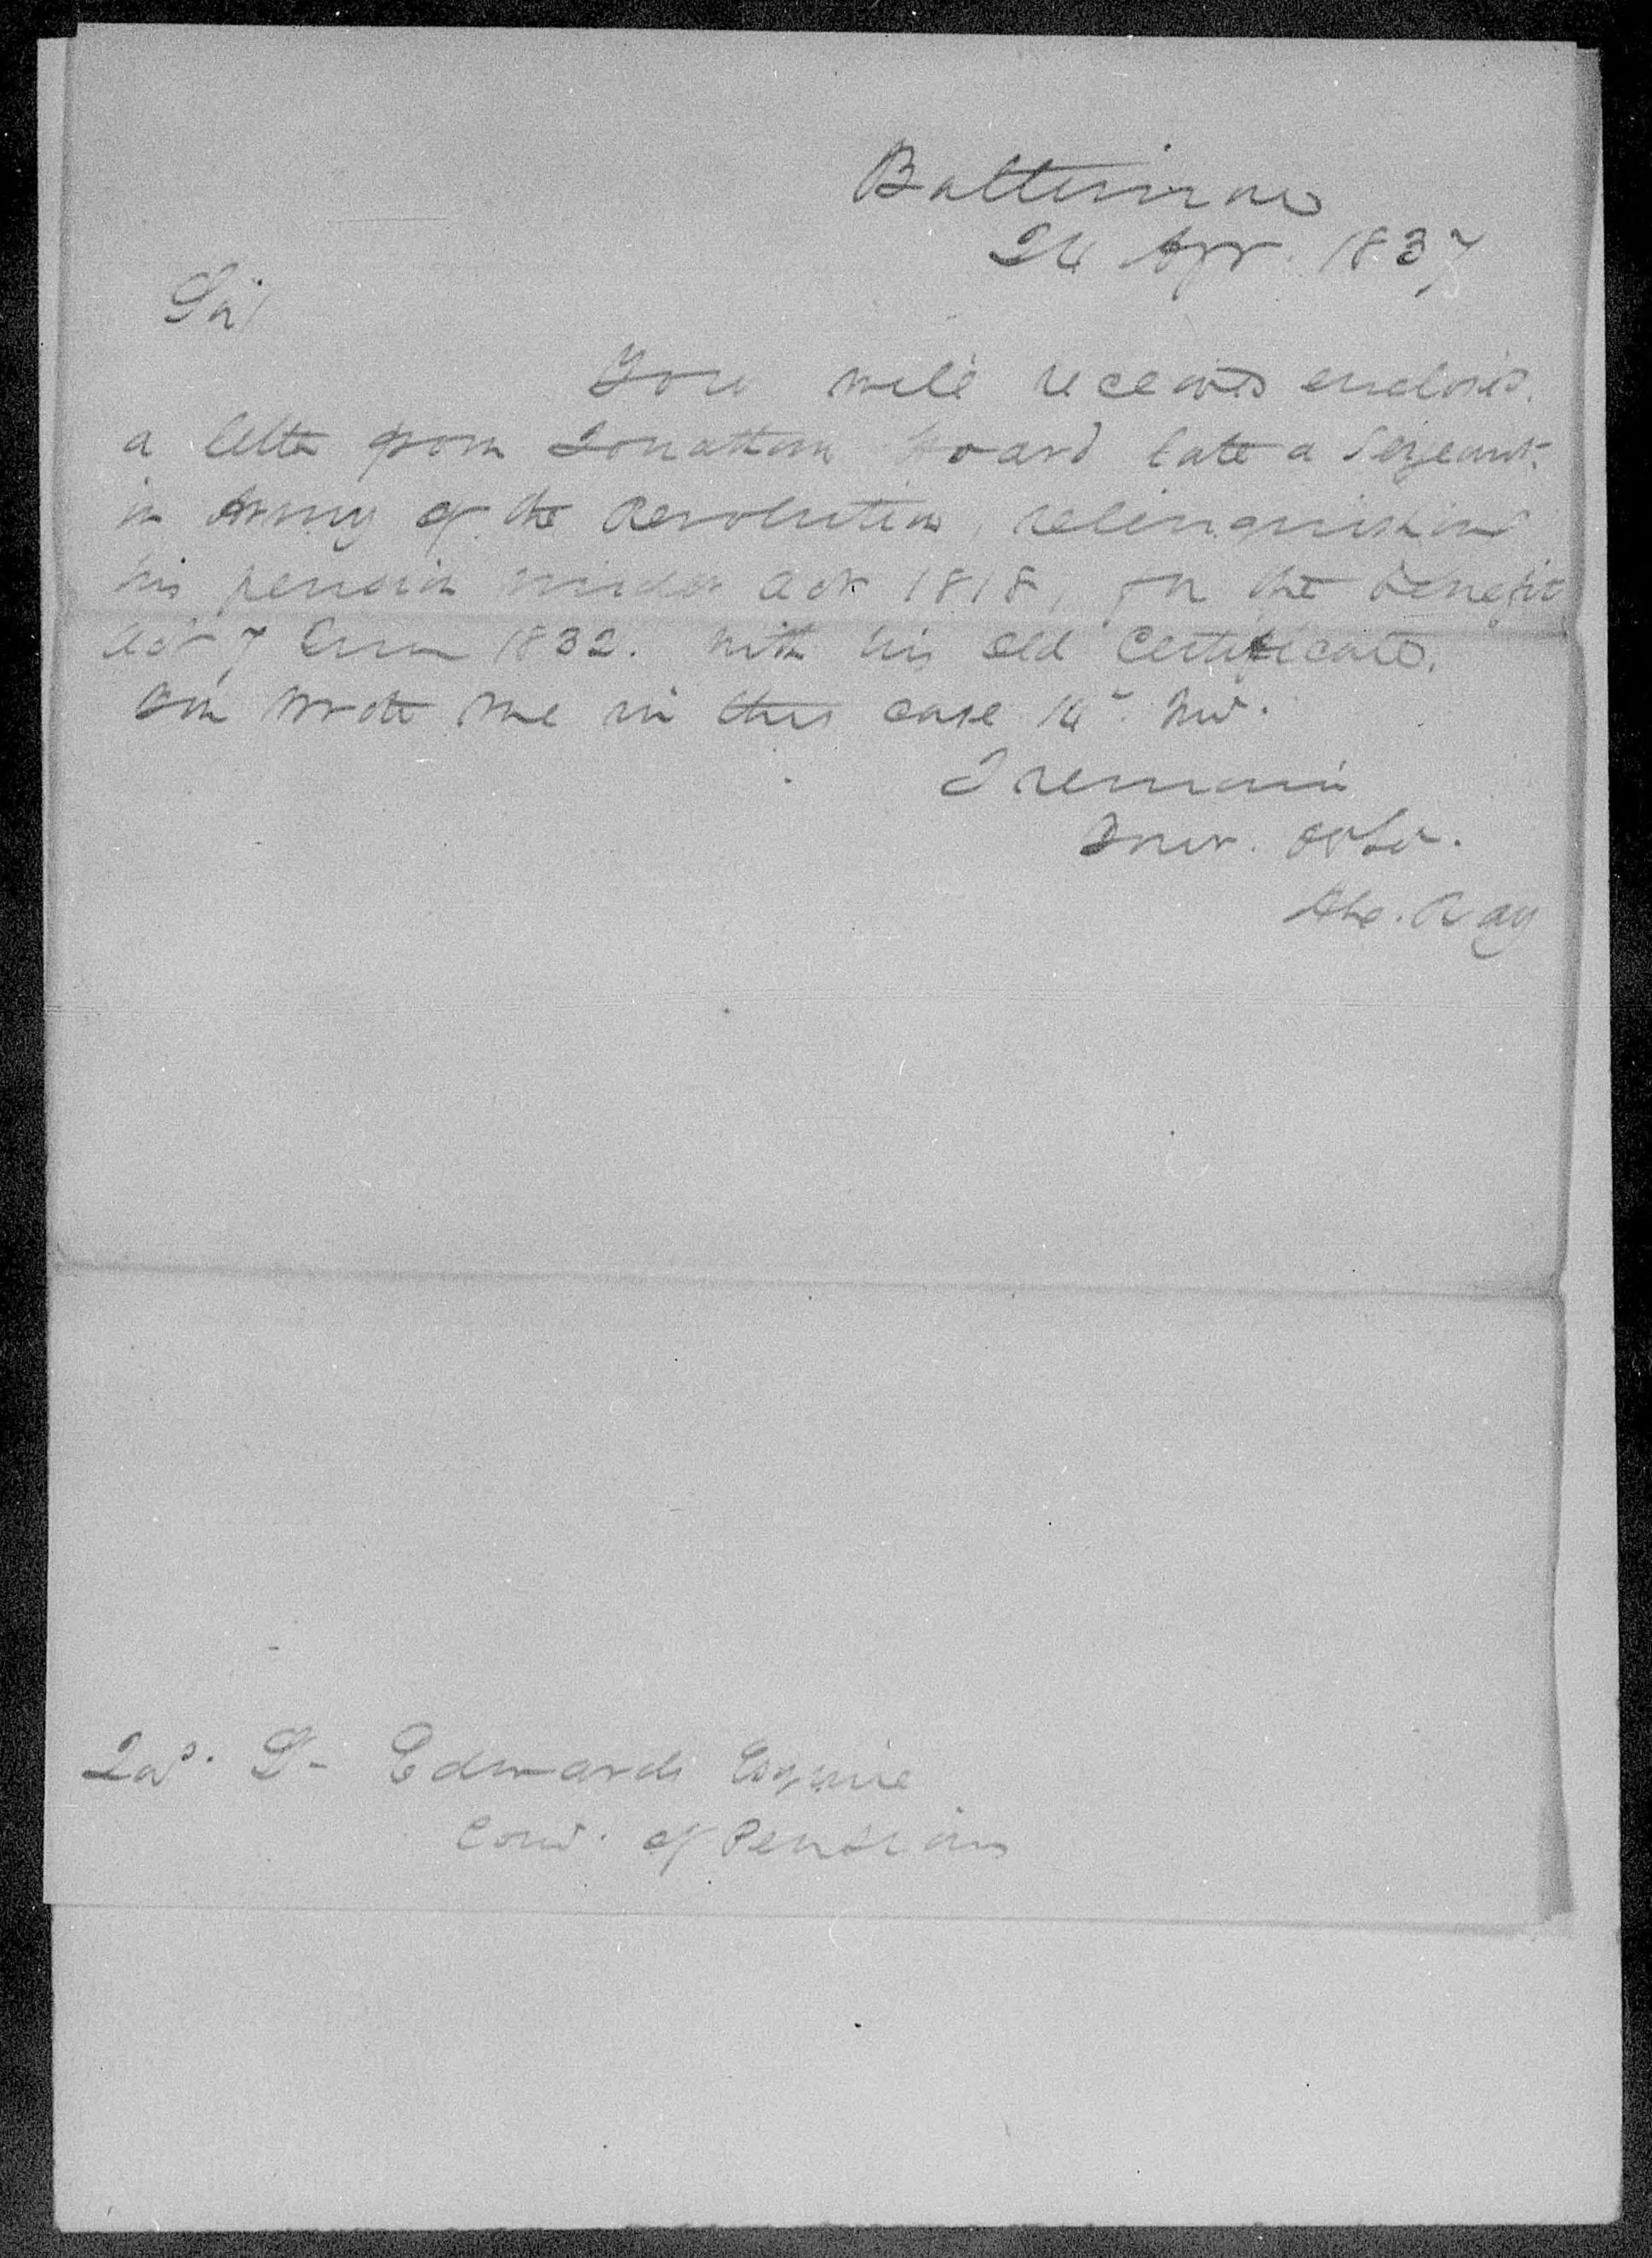Baltimore
24 Apr 1837
Sir
You will received enclosed
letter from Jonathan Hoard late a Sergeant
Army of the Revolution, relinquishing
his pension under act 1818 for the benefit
Act of [illegible] 1832. with his old certificate,
[illegible] wrote me in this case 14th [illegible].
I remain
[illegible]
Abe Ray
Fwd. L. Edwards Esquire
Com. of Pensions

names: Jonathan Hoard, Jas D Edwards, Abe Ray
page: 23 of 52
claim: widow's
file: W 19755, Jonathan Hoard, Mass.